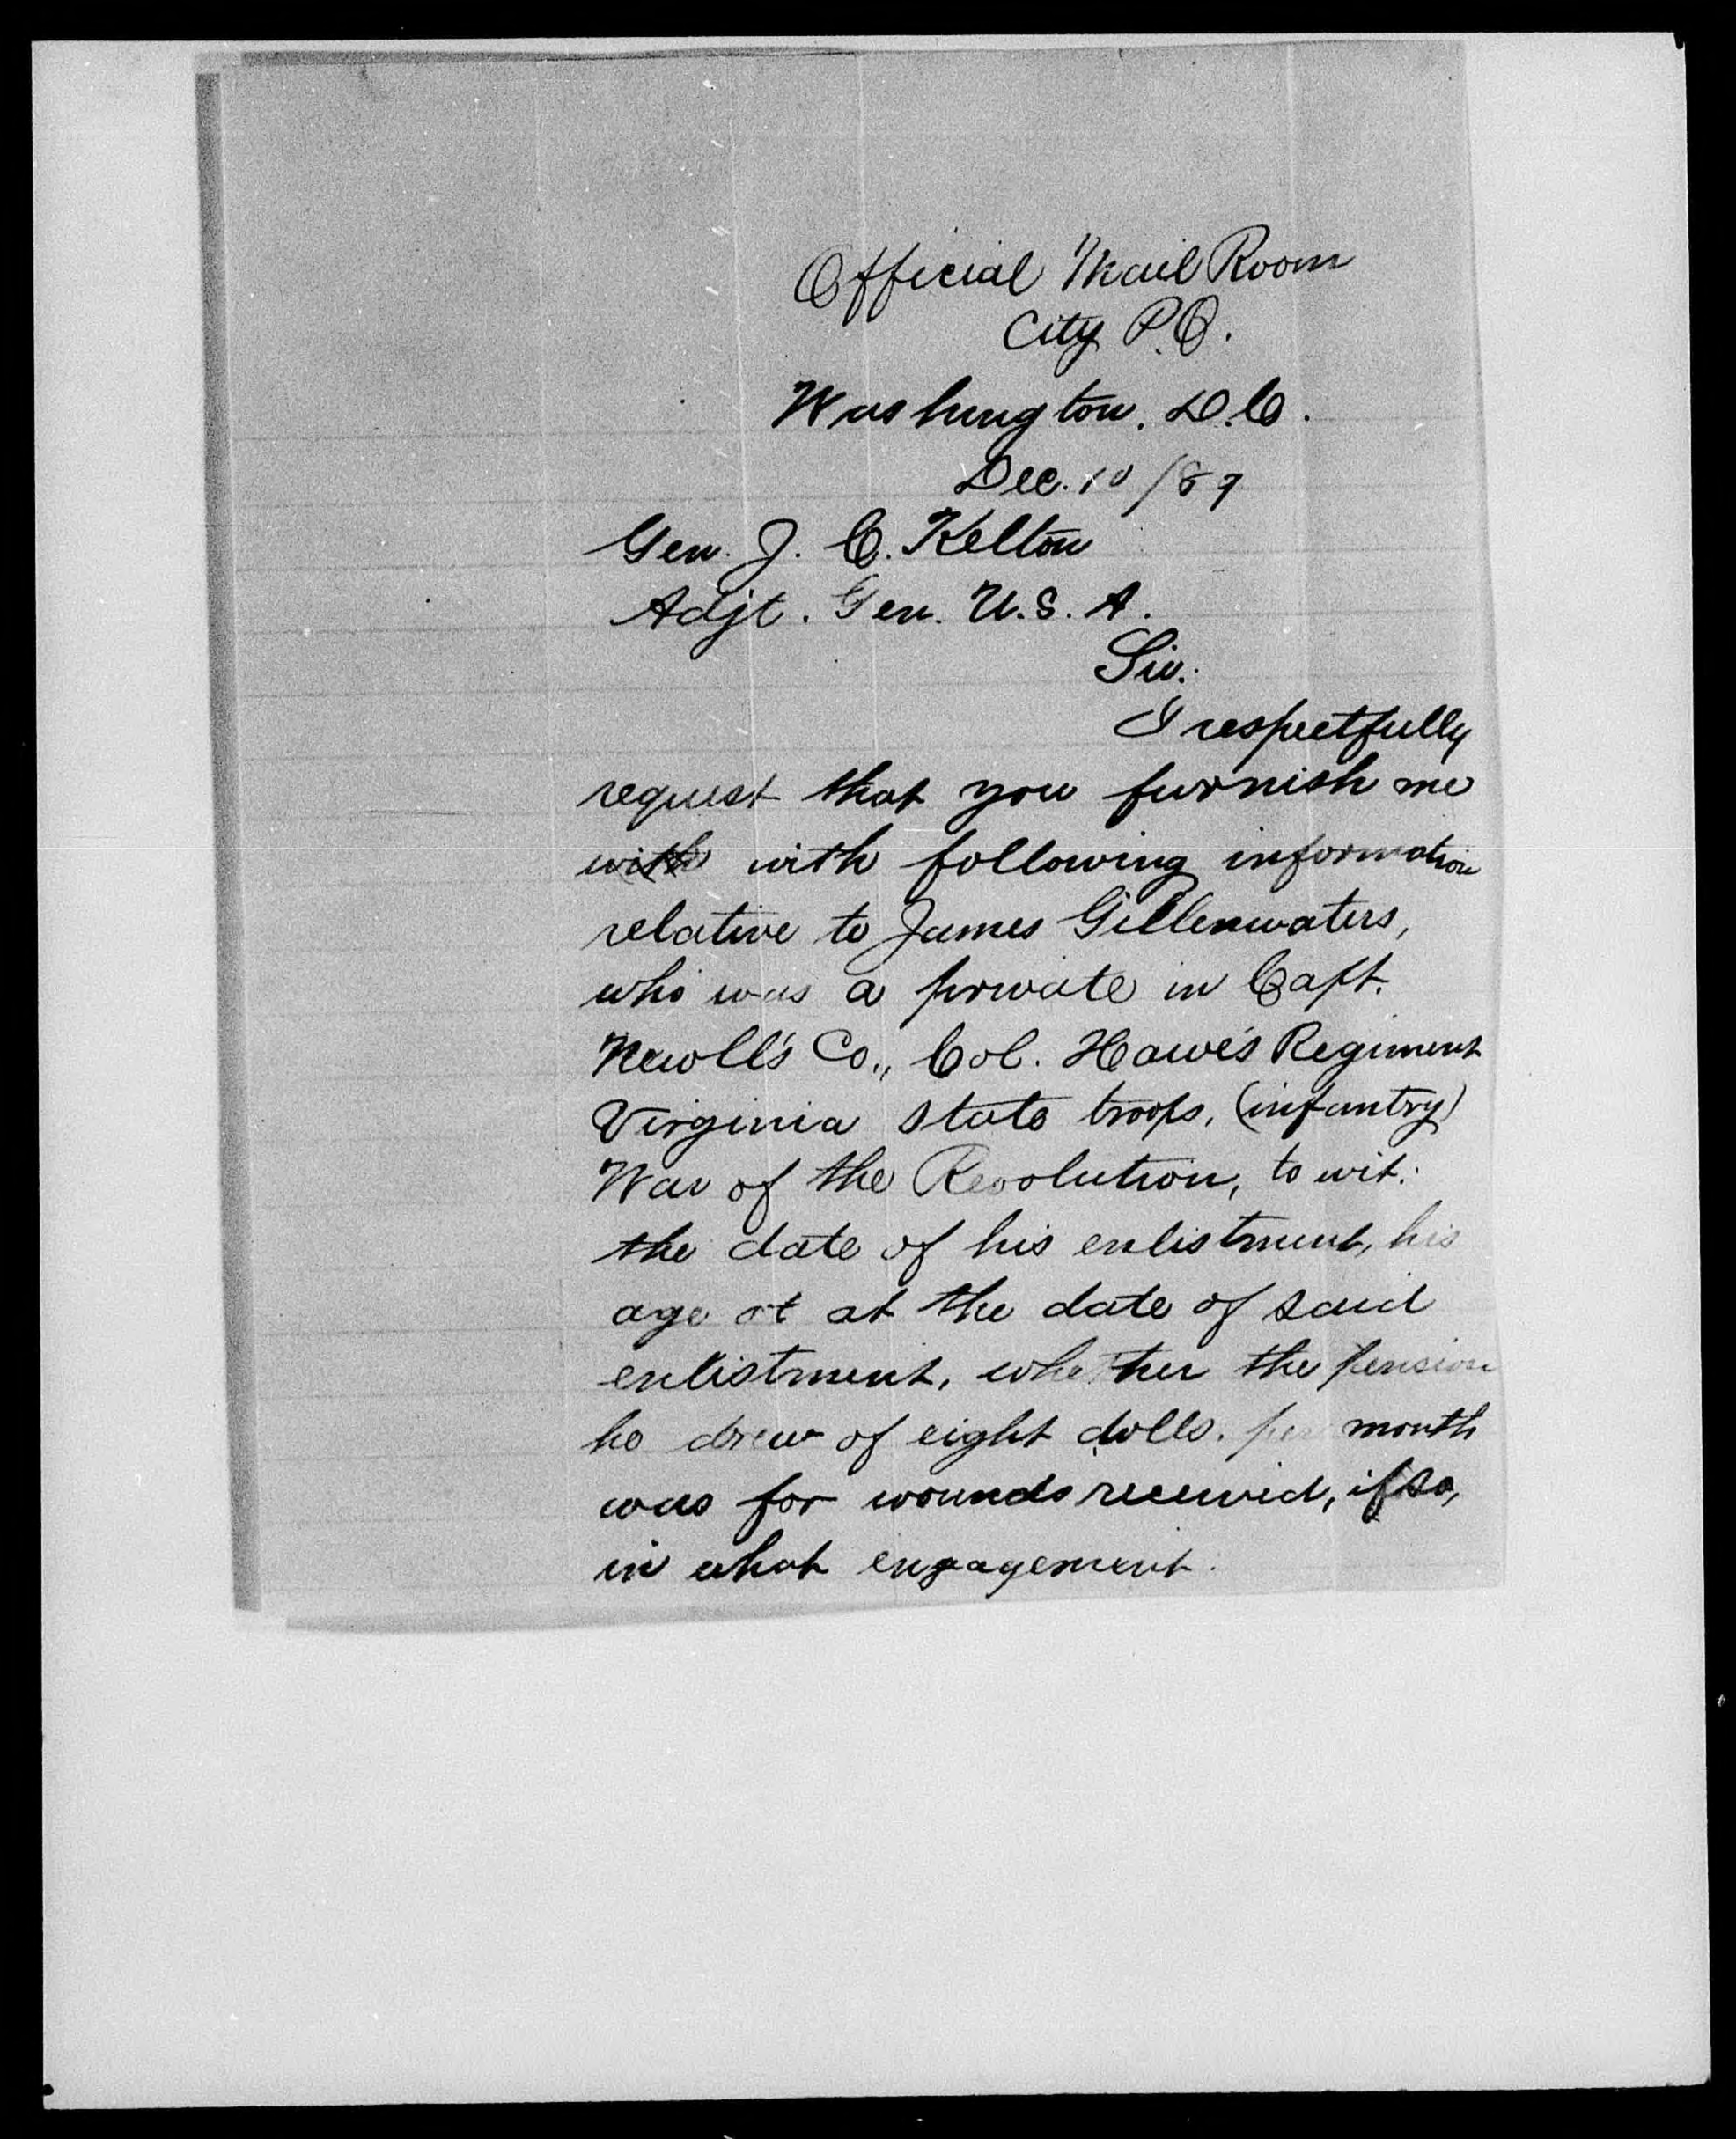Official Mail Room
City P.O.
Washington D.C.
Dec. 10/89
J. C. Kelton
Adjt. Gen. U.S.A,

Sir.
I respectfully request that you furnish me [scribbled out. "with"] with the following information relative to James Gillingwaters, who was a private in Capt. Newell's Co., Col. Hawes' Regiment Virginia state troops, (infantry) War of the Revolution, to wit, the date of enlistment, his age at at the date of said enlistment, whether the pension he drew of eight dolls. per month was for wounds received, if so, in which engagement.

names: J C Kelton, James Gillingwater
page: 25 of 36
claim: survivor's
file: S. 39570, James Gillingwater, Va.